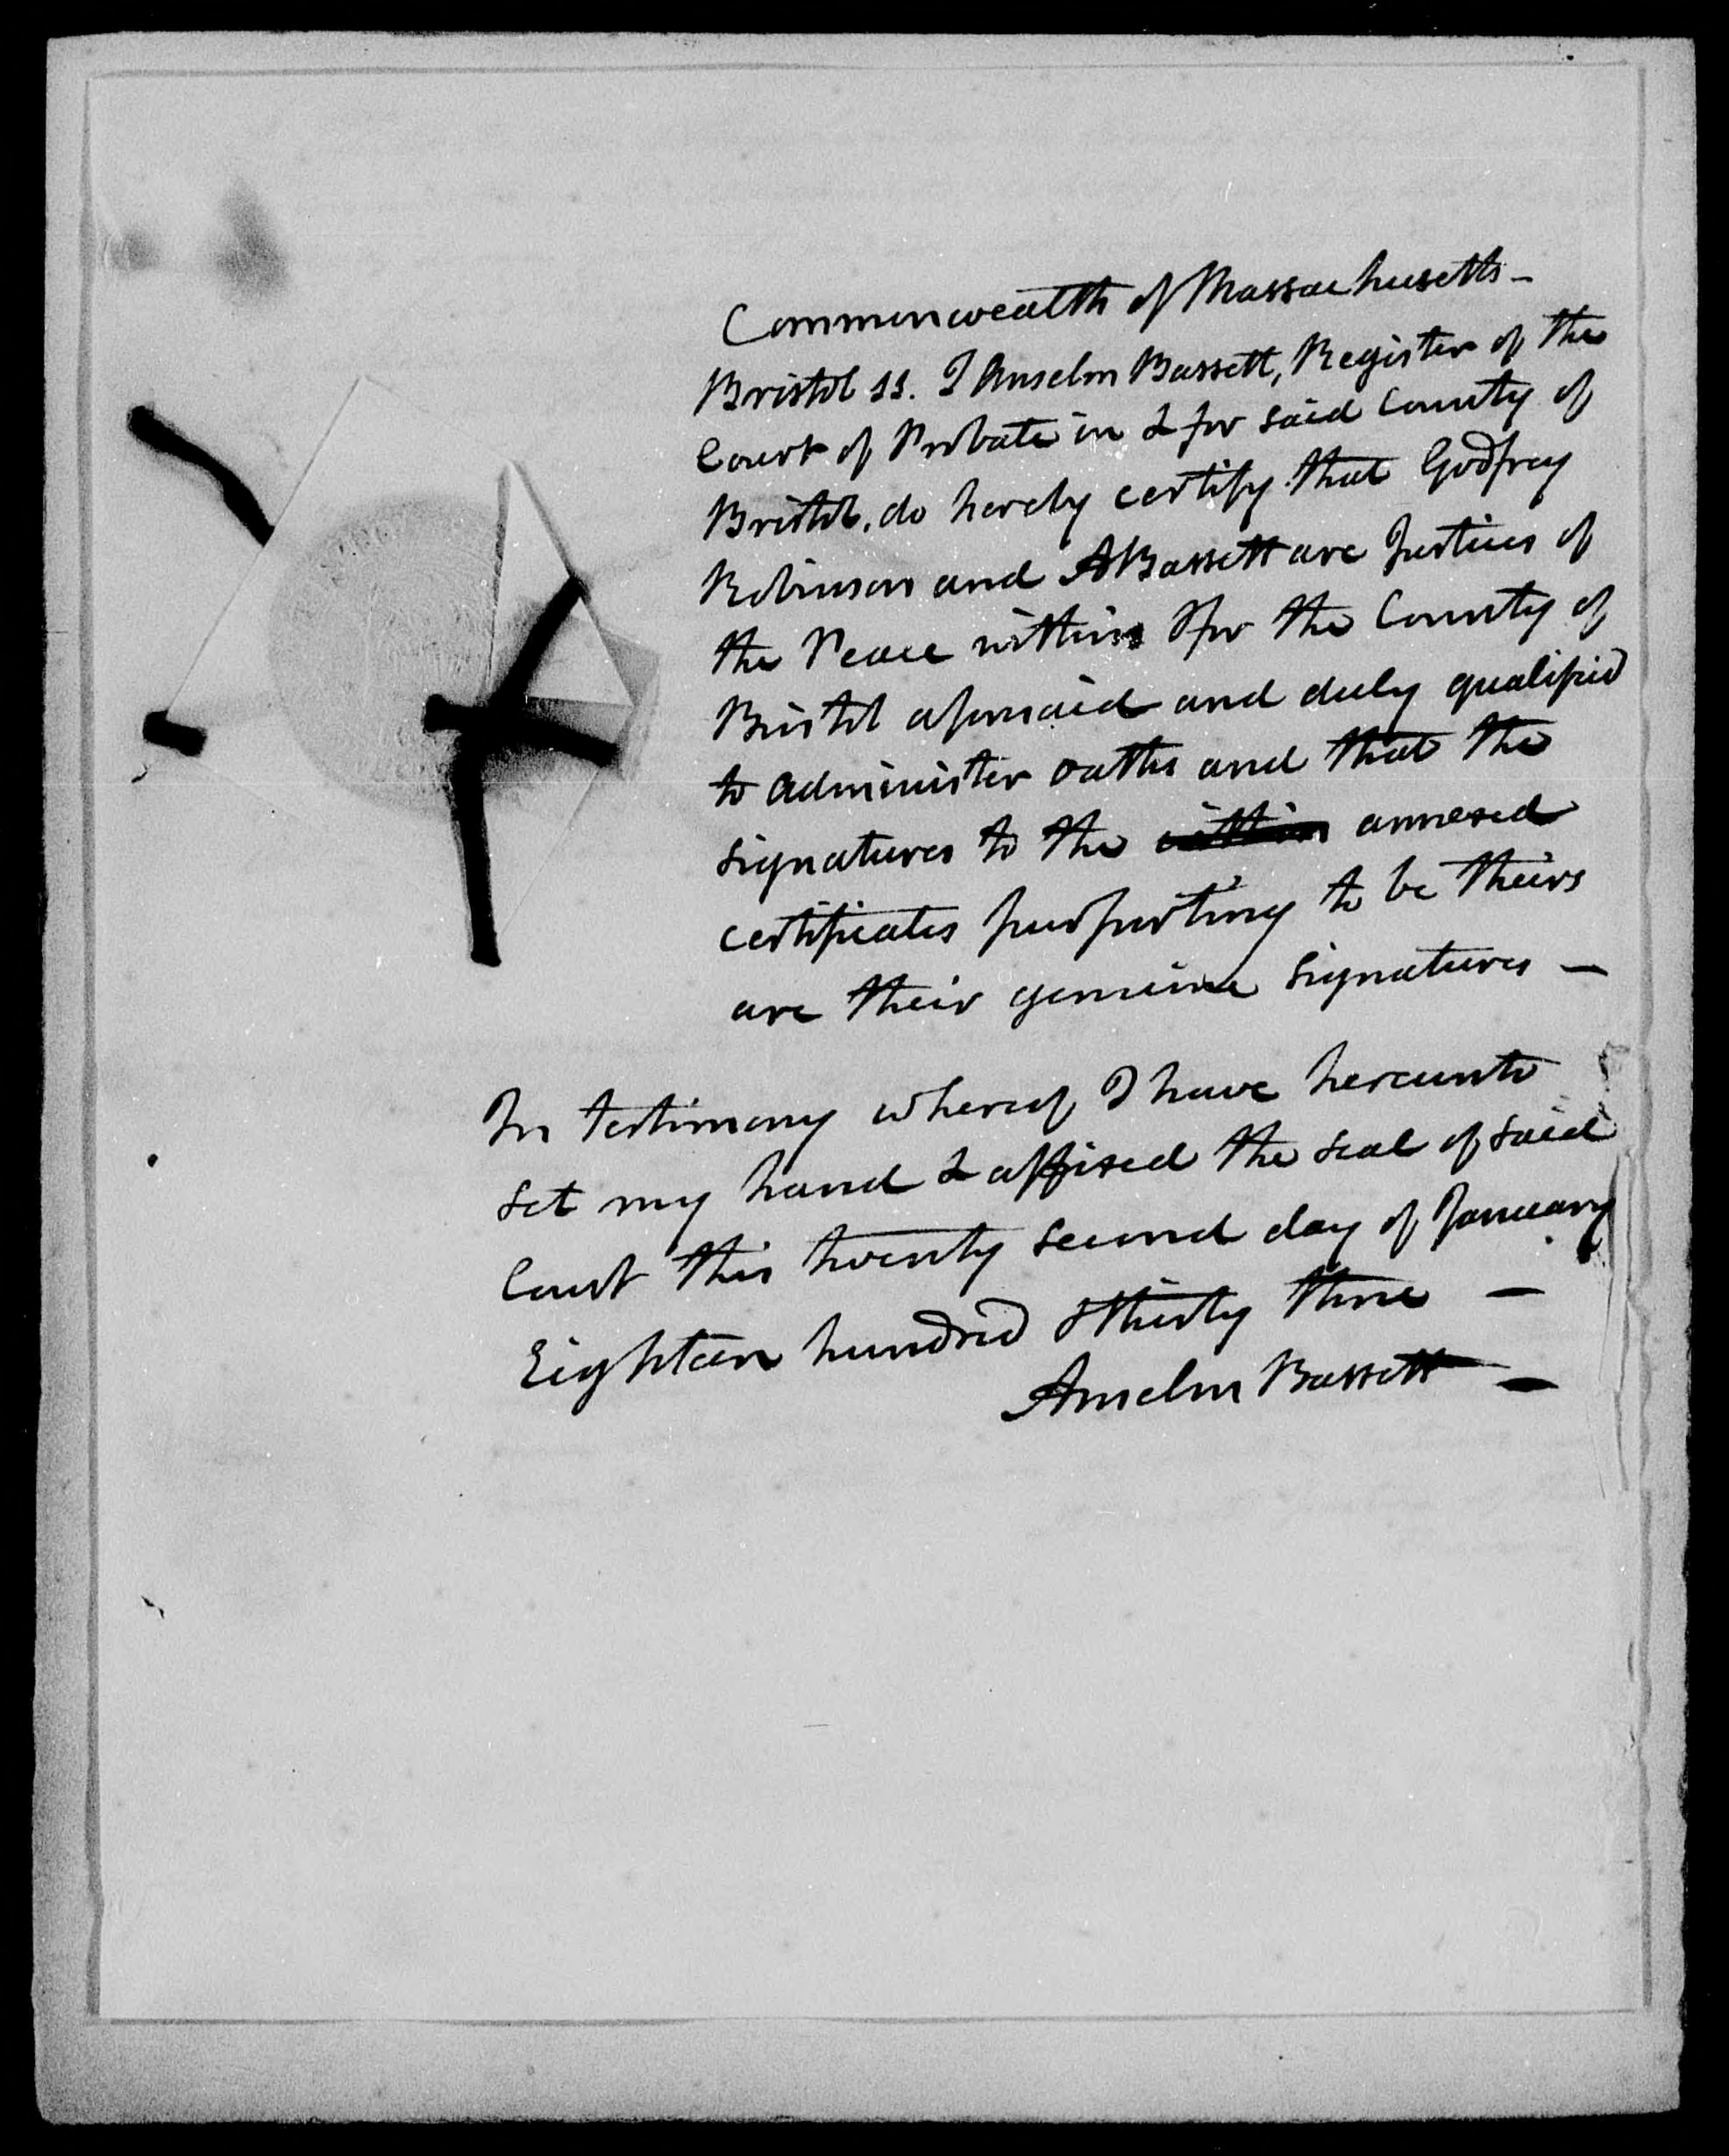Commonwealth of Massachusetts
Bristol Ss. 
I Anselm Bassett, Register of the
Court of Probate in & for said County of
Bristol do hereby certify that Godfrey
Robinson and A Bassett are Justices of
the Peace within for the County of Bristol aforesaid and duly qualified to administer oaths and that the signatures to the annexed certificates purporting to be theirs are their genuine signatures -


In testimony whereof I have hereunto
set my hand & affixed the seal of said
Court this twenty second day of January
Eighteen hundred thirty three
Anselm Barrett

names: Godfrey Robinson, Anselm Bassett, Anselm Bassett, A Bassett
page: 33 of 36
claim: widow's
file: W. 8838, Elijah Gushee, Mass.